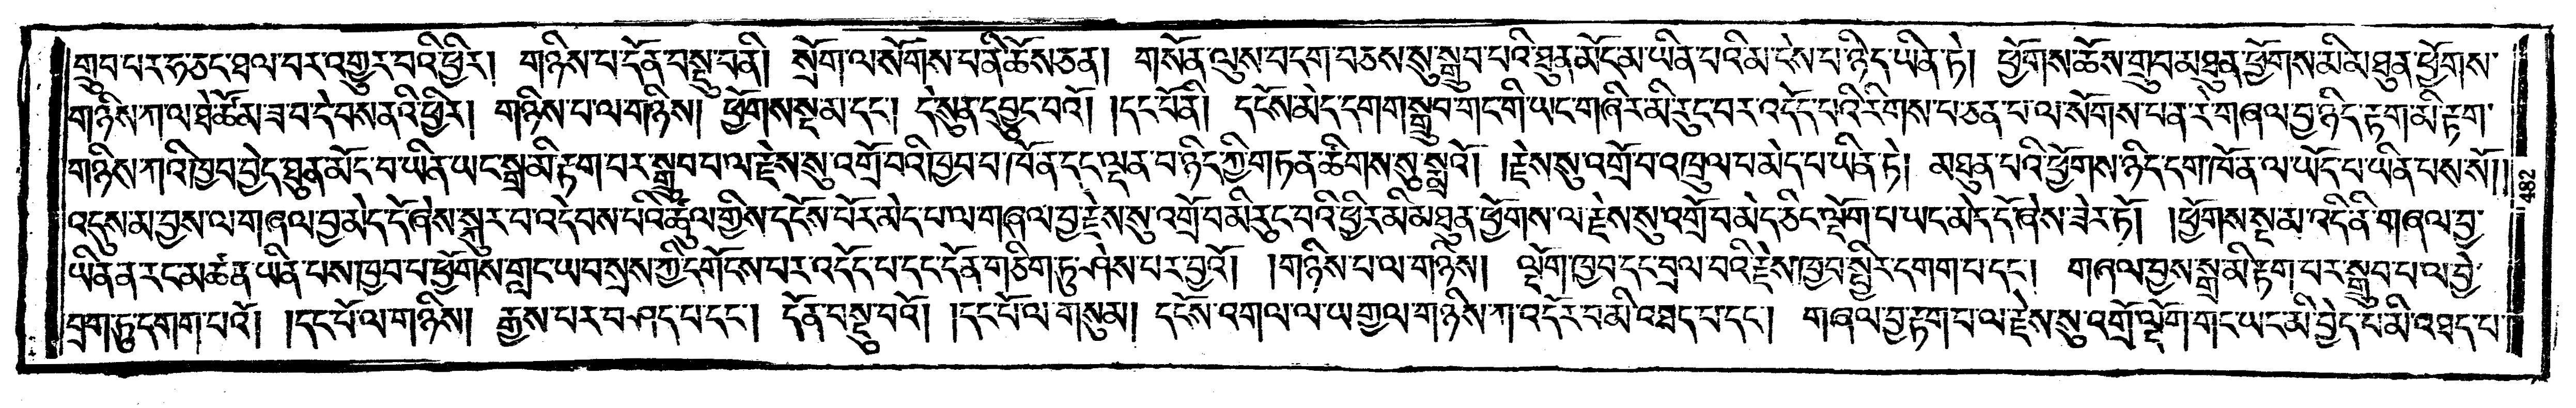གྲུབ་པར་ཧ་ཅང་ཐལ་བར་འགྱུར་བའི་ཕྱིར། གཉིས་པ་དོན་བསྡུ་བ་ནི། སྲོག་ལ་སོགས་པ་ནི་ཆོས་ཅན། གསོན་ལུས་བདག་བཅས་སུ་སྒྲུབ་པའི་ཐུན་མོང་མ་ཡིན་པའི་མ་ངེས་པ་ཉིད་ཡིན་ཏེ། ཕྱོགས་ཆོས་གྲུབ་མཐུན་ཕྱོགས་མི་མཐུན་ཕྱོགས་
གཉིས་ཀ་ལ་ཐེ་ཚོམ་ཟ་བ་དེ་བས་ནའི་ཕྱིར། གཉིས་པ་ལ་གཉིས། ཕྱོགས་སྔ་མ་དང་། དེ་སུན་དབྱུང་བའོ། །དང་པོ་ནི། དངོས་མེད་དགག་སྒྲུབ་གང་གི་ཡང་གཞིར་མི་རུང་བར་འདོད་པའི་རིགས་པ་ཅན་པ་ལ་སོགས་པ་ན་རེ་གཞལ་བྱ་ཉིད་རྟག་མི་རྟག་
གཉིས་ཀའི་ཁྱབ་བྱེད་ཐུན་མོང་བ་ཡིན་ཡང་སྒྲ་མི་རྟག་པར་སྒྲུབ་པ་ལ་རྗེས་སུ་འགྲོ་བའི་ཁྱབ་པ་ཁོ་ན་དང་ལྡན་པ་ཉིད་ཀྱི་གཏན་ཚིགས་སུ་སྨྲའོ། །རྗེས་སུ་འགྲོ་བ་འཁྲུལ་པ་མེད་པ་ཡིན་ཏེ། མཐུན་པའི་ཕྱོགས་ཉིད་དག་ཁོ་ན་ལ་ཡོད་པ་ཡིན་པས་སོ།།
འདུས་མ་བྱས་ལ་གཞལ་བྱ་མེད་དོ་ཞེས་སྐུར་བ་འདེབས་པའི་ཚུལ་གྱིས་དངོས་པོར་མེད་པ་ལ་གཞལ་བྱ་རྗེས་སུ་འགྲོ་བ་མི་རུང་བའི་ཕྱིར་མི་མཐུན་ཕྱོགས་ལ་རྗེས་སུ་འགྲོ་བ་མེད་ཅིང་ལྡོག་པ་ཡང་མེད་དོ་ཞེས་ཟེར་ཏོ། །ཕྱོགས་སྔ་མ་འདི་ནི་གཞལ་བྱ་
ཡིན་ན་རང་མཚན་ཡིན་པས་ཁྱབ་པ་ཕྱོགས་གླང་ཡབ་སྲས་ཀྱི་དགོངས་པར་འདོད་པ་དང་དོན་གཅིག་ཏུ་ཤེས་པར་བྱའོ། །གཉིས་པ་ལ་གཉིས། ལྡོག་ཁྱབ་དང་བྲལ་བའི་རྗེས་ཁྱབ་སྤྱིར་དགག་པ་དང་། གཞལ་བྱས་སྒྲ་མི་རྟག་པར་སྒྲུབ་པ་ལ་བྱེ་
བྲག་ཏུ་དགག་པའོ། །དང་པོ་ལ་གཉིས། རྒྱས་པར་བཤད་པ་དང་། དོན་བསྡུ་བའོ། །དང་པོ་ལ་གསུམ། དངོས་འགལ་ལ་ཡ་གྱལ་གཉིས་ཀ་འདོར་བ་མི་འཐད་པ་དང་། གཞལ་བྱ་རྟག་པ་ལ་རྗེས་སུ་འགྲོ་ལྡོག་གང་ཡང་མི་བྱེད་པ་མི་འཐད་པ་